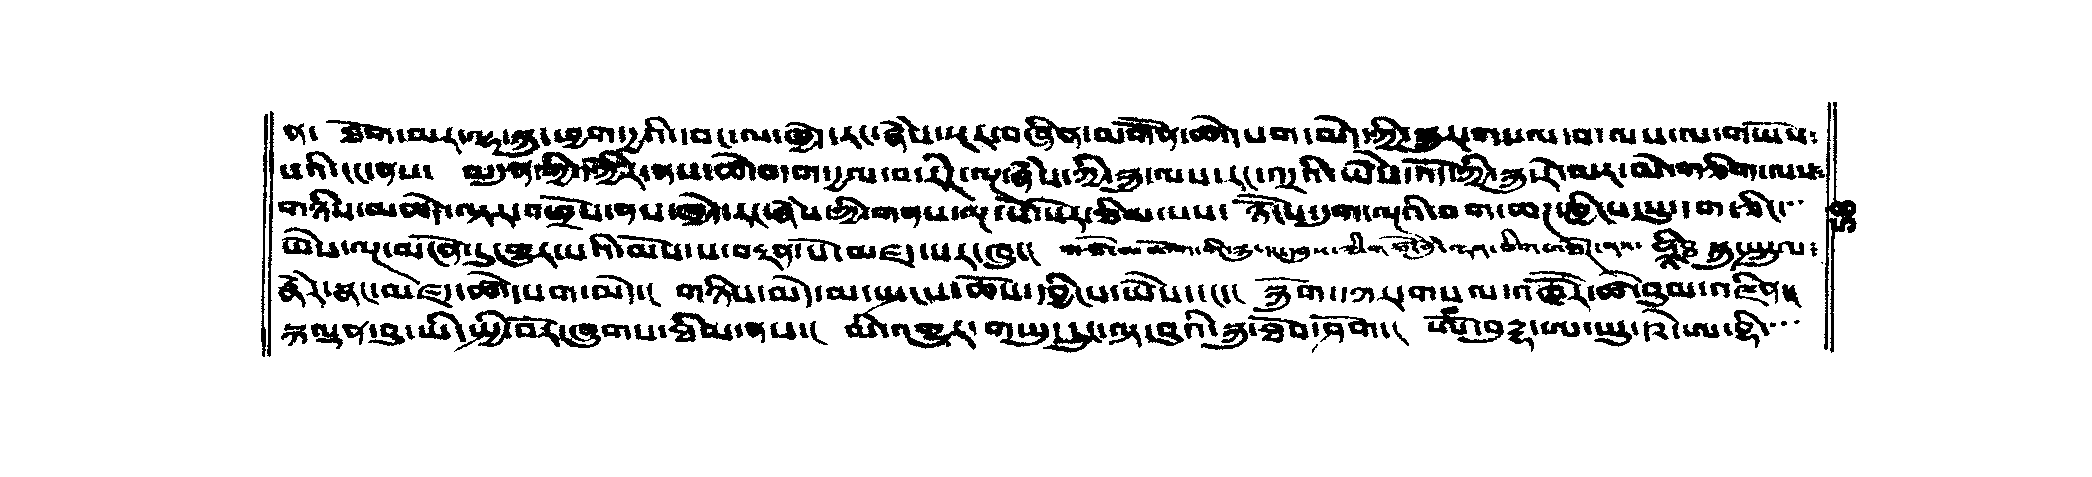ན། ཐོག་མར་ལྷ་སྐུ་ཕྱག་རྒྱའི་དབང་ལ་ཁྱེད་རང་རྣམས་སྔར་བཞིན་མགོན་པོ་ཆེ་དཔག་མེད་ཀྱི་སྐུར་གསལ་བ་ལས་མ་གཡོས་
པའི་ངང་ནས། མདུན་གྱི་དཀྱིལ་འཁོར་ནས་ཆེ་བདག་རྒྱལ་བ་རིགས་ལྔ་རྣམས་ཀྱི་སྐུ་ལས་རང་འདྲའི་ཡེ་ཤེས་འོད་ཀྱི་སྐུ་རེ་མར་མེ་གཅིག་ལས་
གཉིས་མཆེད་ལྟར་འཕྲོས་ནས་ཁྱེད་རང་རྣམས་ཀྱི་གནས་ལྔ་སོ་སོར་ཐིམ་པས།ཉོན་མོངས་དུག་ལྔའི་བག་ཆགས་དབྱིངས་སུ་དག་ཅིང་
ཡེ་ཤེས་ལྔ་མངོན་དུ་གྱུར་པའི་མོས་པ་བརྟན་པོ་མཛད་པར་ཞུ། གཙོ་མཆོག་གི་སྐུ་དང་དབུས་ཀྱི་གཙོ་བུམ་ལྷན་ཅིག་འཐོགས་ནས། ཧྲཱིཿསྐུ་སྤྲུལ་
རྣམ་པར་སྣང་མཛད་ཚེ་དཔག་མེད། གཉིས་མེད་མ་སྤངས་ཆོས་དབྱིངས་ཡེ་ཤེས་དང་། སྐུ་མདོག་དཀར་གསལ་འཁོར་ལོ་ཚེ་བུམ་འཛིན་
སྐལ་ལྡན་བུ་ཡི་སྤྱི་བོར་ཞུགས་ཐིམ་ནས། མི་འགྱུར་གཡུ་དྲུང་ལྟ་བུའི་སྐུ་ཐོབ་ཤོག ཨོཾ་བུདྡྷ་ཨ་ཡུ་རེ་ཨ་བྷི་